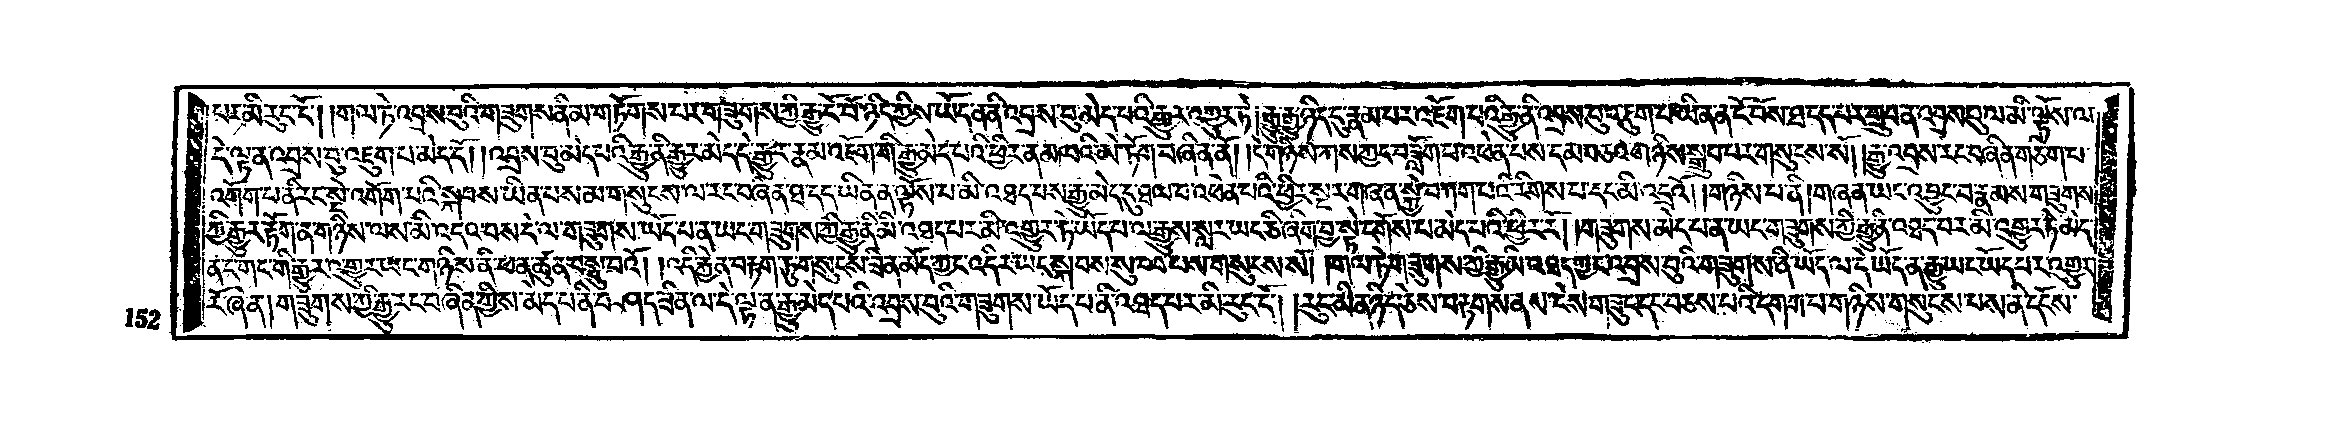པར་མི་རུང་ངོ། །གལ་ཏེ་འབྲས་བུའི་གཟུགས་ནི་མ་གཏོགས་པར་གཟུགས་ཀྱི་རྒྱུ་ངོ་བོ་ཉིད་ཀྱིས་ཡོད་ན་ནི་འབྲས་བུ་མེད་པའི་རྒྱུར་འགྱུར་ཏེ། རྒྱུ་རྒྱུ་ཉིད་དུ་རྣམ་པར་འཇོག་པའི་རྒྱུ་ནི་འབྲས་བུ་འཇུག་པ་ཡིན་ན་ངོ་བོས་ཐ་དད་པར་གྲུབ་ན་འབྲས་བུ་ལ་མི་ལྟོས་ལ་
དེ་ལྟ་ན་འབྲས་བུ་འཇུག་པ་མེད་དོ། །འབྲས་བུ་མེད་པའི་རྒྱུ་ནི་རྒྱུར་མེད་དེ་རྒྱུར་རྣམ་འཇོག་གི་རྒྱུ་མེད་པའི་ཕྱིར་ནམྨྑའི་མེ་ཏོག་བཞིན་ནོ། །དེ་གཉིས་ཀས་ཀྱང་བཟློག་པ་འཕེན་པས་དམ་བཅའ་གཉིས་སྒྲུབ་པར་གསུངས་སོ། །རྒྱུ་འབྲས་རང་བཞིན་གཅིག་པ་
འགོག་པ་ནི་རང་སྡེ་འགག་པའི་སྐབས་ཡིན་པས་མ་གསུངས་ལ་རང་བཞིན་ཐ་དད་ཡིན་ན་ལྟོས་པ་མི་འཐད་པས་རྒྱུ་མེད་དུ་ཐལ་བ་འཕེན་པའི་ཕྱིར་སྔར་གཞན་སྐྱེ་བཀག་པའི་རིགས་པ་དང་མི་འདྲའོ། །གཉིས་པ་ནི། གཞན་ཡང་འབྱུང་བ་རྣམས་གཟུགས་
ཀྱི་རྒྱུར་རྟོག་ན་གཉིས་ལས་མི་འདའ་བས་དེ་ལ་གཟུགས་ཡོད་པ་ན་ཡང་གཟུགས་ཀྱི་རྒྱུ་ནི་མི་འཐད་པར་མི་འགྱུར་ཏེ་ཡོད་པ་ལ་རྒྱུས་སླར་ཡང་ཅི་ཞིག་བྱ་སྟེ་དགོས་པ་མེད་པའི་ཕྱིར་རོ། །གཟུགས་མེད་པ་ན་ཡང་གཟུགས་ཀྱི་རྒྱུ་ནི་འཐད་པར་མི་འགྱུར་ཏེ་མེད་
ན་ང་གང་གི་རྒྱུར་འགྱུར་ཡང་གཉིས་ནི་ཕན་ཚུན་བསྡུ་བའོ། །འདི་རྐྱེན་བརྟག་ཏུ་གསུངས་ཟིན་མོད་ཀྱང་འདིར་ཡང་སྐབས་སུ་བབ་པས་གསུངས་སོ། །གལ་ཏེ་གཟུགས་ཀྱི་རྒྱུ་མི་འཐད་ཀྱང་འབྲས་བུའི་གཟུགས་ནི་ཡོད་ལ་དེ་ཡོད་ན་རྒྱུ་ཡང་ཡོད་པར་འགྱུར་
རོ་ཞེ་ན། གཟུགས་ཀྱི་རྒྱུ་རང་བཞིན་གྱིས་མེད་པ་ནི་བཤད་ཟིན་ལ་དེ་ལྟ་ན་རྒྱུ་མེད་པའི་འབྲས་བུའི་གཟུགས་ཡོད་པ་ནི་འཐད་པར་མི་རུང་ངོ། །རུང་མིན་ཉིད་ཅེས་བརྟགས་ནས་ངེས་གཟུང་དང་བཅས་པའི་དགག་པ་གཉིས་གསུངས་པས་ནི་དངོས་